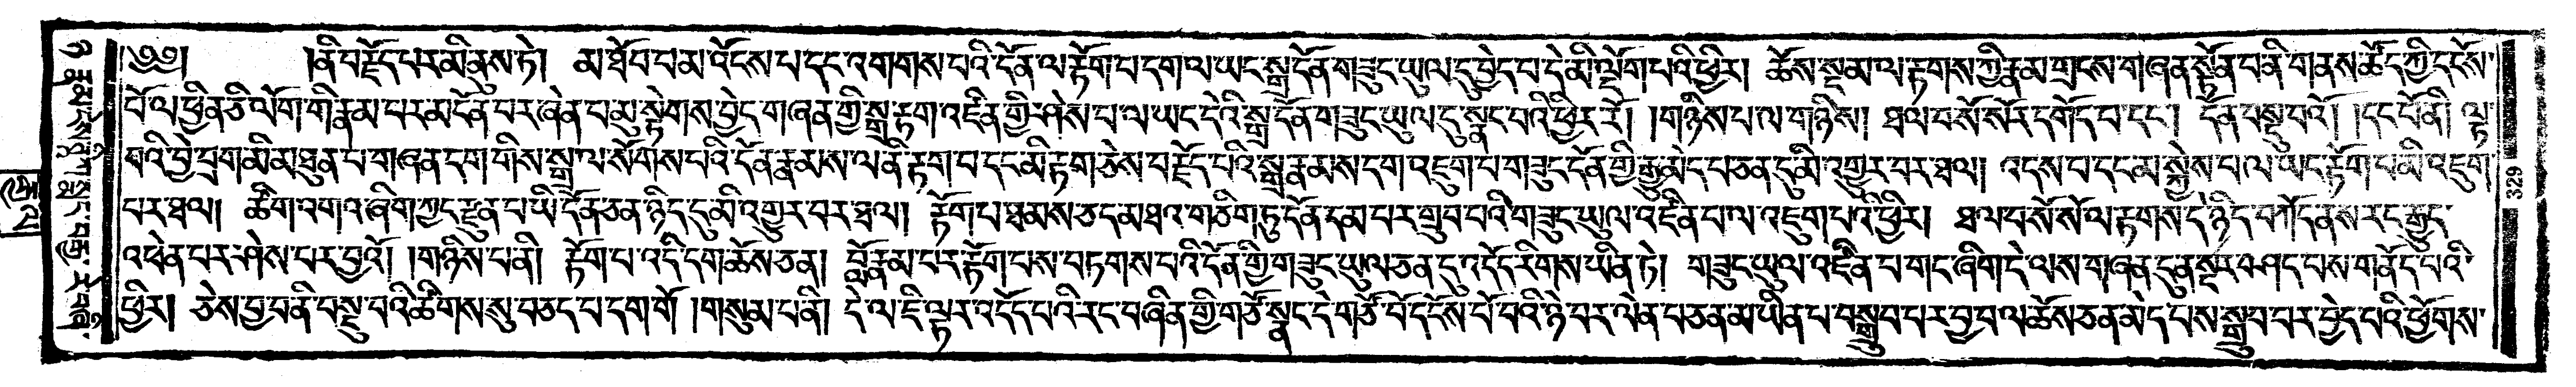༄༅། །ནི་བརྗོད་པར་མི་ནུས་ཏེ། མ་ཐོབ་པ་མ་འོངས་པ་དང་འགགས་པའི་དོན་ལ་རྟོག་པ་དག་ལ་ཡང་སྒྲ་དོན་གཟུང་ཡུལ་དུ་བྱེད་པ་དེ་མི་ལྡོག་པའི་ཕྱིར། ཆོས་སྔ་མ་ལ་རྟགས་ཀྱི་རྣམ་གྲངས་གཞན་སྟོན་བ་ནི་གནས་ཚོད་ཀྱི་དངོས་
པོ་ལ་ཕྱིན་ཅི་ལོག་གི་རྣམ་པར་མངོན་པར་ཞེན་པ་མུ་སྟེགས་བྱེད་གཞན་གྱི་སྒྲ་རྟག་འཛིན་གྱི་ཤེས་པ་ལ་ཡང་དེའི་སྒྲ་དོན་གཟུང་ཡུལ་དུ་སྣང་བའི་ཕྱིར་རོ། །གཉིས་པ་ལ་གཉིས། ཐལ་བ་སོ་སོར་དགོད་བ་དང་། དོན་བསྡུ་བའོ། །དང་པོ་ནི། ལྟ་
བའི་བྱེ་བྲག་མི་མཐུན་པ་གཞན་དག་གིས་སྒྲ་ལ་སོགས་པའི་དོན་རྣམས་ལ་ནི་རྟག་བ་དང་མི་རྟག་ཅེས་བརྗོད་པའི་སྒྲ་རྣམས་དག་འཇུག་པ་གཟུང་དོན་གྱི་རྒྱུ་མེད་པ་ཅན་དུ་མི་འགྱུར་བར་ཐལ། འདས་བ་དང་མ་སྐྱེས་པ་ལ་ཡང་རྟོག་པ་མི་འཇུག་
པར་ཐལ། ཚིག་འགའ་ཞིག་ཀྱང་རྫུན་པ་ཡི་དོན་ཅན་ཉིད་དུ་མི་འགྱུར་བར་ཐལ། རྟོག་པ་ཐམས་ཅད་མཐའ་གཅིག་ཏུ་དོན་དམ་པར་གྲུབ་པའི་གཟུངས་ཡུལ་འཛིན་པ་ལ་འཇུག་པའི་ཕྱིར། ཐལ་བ་སོ་སོ་ལ་རྟགས་དེ་ཉིད་བཀོད་ནས་རང་རྒྱུད་
འཕེན་པར་ཤེས་པར་བྱའོ། །གཉིས་པ་ནི། རྟོག་པ་འདི་དག་ཆོས་ཅན། བློ་རྣམ་པར་རྟོག་པས་བཏགས་བའི་དོན་གྱི་གཟུང་ཡུལ་ཅན་དུ་འདོད་རིགས་ཡིན་ཏེ། གཟུང་ཡུལ་འཛིན་པ་གང་ཞིག་དེ་ལས་གཞན་དུ་ན་སྔར་བཤད་པས་གནོད་པའི་
ཕྱིར། ཅེས་བྱ་བ་ནི་སྡུས་བའི་ཚིགས་སུ་བཅད་པ་དག་གོ། །གསུམ་པ་ནི། དེ་ལ་ཇི་ལྟར་འདོད་པའི་རང་བཞིན་གྱི་གཙོ་སྣང་དེ་གཙོ་བོ་དངོས་པོ་བའི་ཉེ་བར་ལེན་པ་ཅན་མ་ཡིན་པ་བསྒྲུབ་པར་བྱ་བ་ལ་ཆོས་ཅན་མེད་པས་སྒྲུབ་པར་བྱེད་པའི་ཕྱོགས་